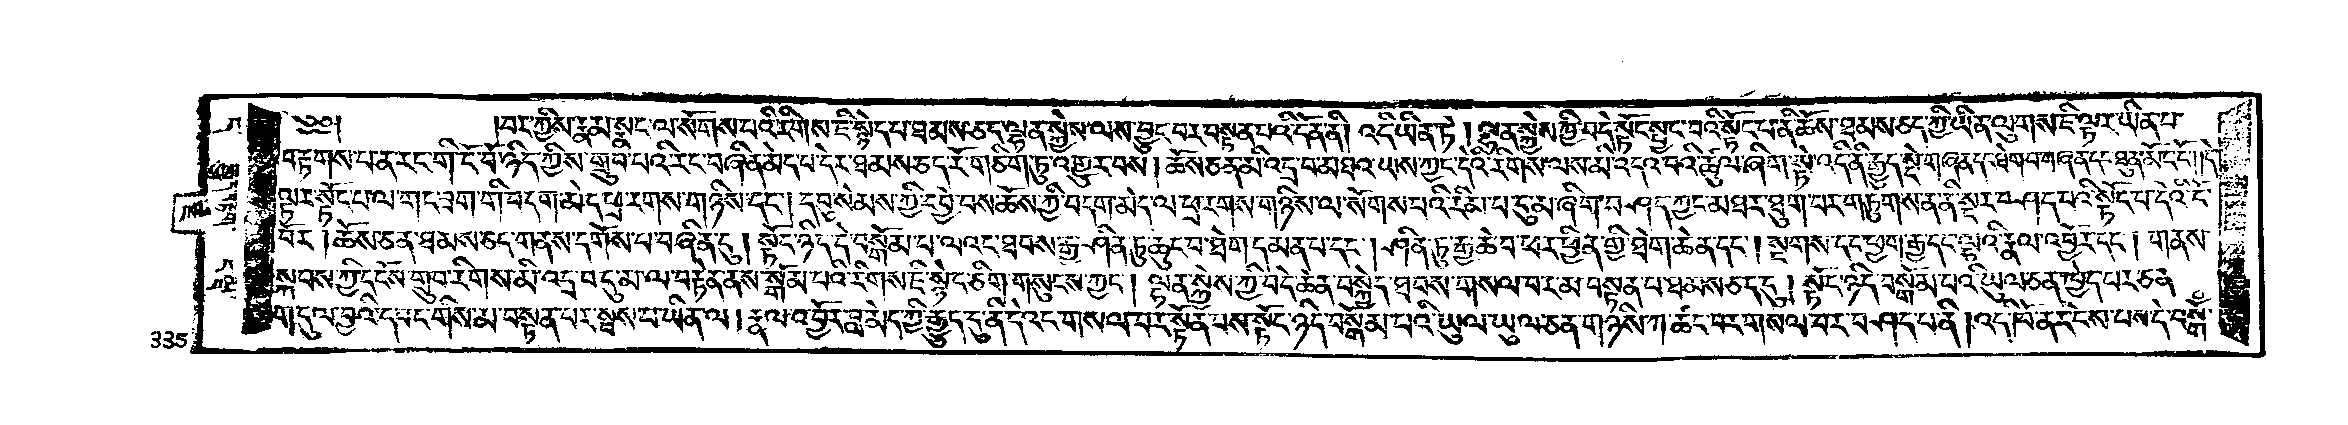༄༅། །བར་གྱིས་རྣམ་སྣང་ལ་སོགས་པའི་རིགས་ཇི་སྙེད་པ་ཐམས་ཅད་ལྷན་སྐྱེས་ལས་བྱུང་བར་བསྟན་པའི་དོན་ནི། འདི་ཡིན་ཏེ། ལྷན་སྐྱེས་ཀྱི་བདེ་སྟོང་སྦྱང་བའི་སྟོང་པ་ནི་ཆོས་ཐམས་ཅད་ཀྱི་ཡིན་ལུགས་ཇི་ལྟར་ཡིན་པ་
བརྟགས་པ་ན་རང་གི་ངོ་བོ་ཉིད་ཀྱིས་གྲུབ་པའི་རང་བཞིན་མེད་པ་དེར་ཐམས་ཅད་རོ་གཅིག་ཏུ་འགྱུར་བས། ཆོས་ཅན་མི་འདྲ་བ་མཐའ་ཡས་ཀྱང་དེའི་རིགས་ལས་མི་འདའ་བའི་ཚུལ་ཞིག་སྟེ་འདི་ནི་རྒྱུད་སྡེ་གཞན་དང་ཐེག་པ་གཞན་དང་ཐུན་མོང་ངོ། །དེ་
ལྟར་སྟོང་པ་ལ་གང་ཟག་གི་བདག་མེད་ཕྲ་རགས་གཉིས་དང་། དབུ་སེམས་ཀྱི་དབྱེ་བས་ཆོས་ཀྱི་བདག་མེད་ལ་ཕྲ་རགས་གཉིས་ལ་སོགས་པའི་རིམ་པ་དུ་མ་ཞིག་བཤད་ཀྱང་མཐར་ཐུག་པར་གཏུགས་ན་ནི་སྔར་བཤད་པའི་སྟོང་པ་དེའི་ངོ་
བོར། ཆོས་ཅན་ཐམས་ཅད་གནས་དགོས་པ་བཞིན་དུ། སྟོང་ཉིད་དེ་བསྒོམ་པ་ལའང་ཐབས་རྒྱ་ཤིན་ཏུ་ཆུང་བ་ཐེག་དམན་པ་དང་། ཤིན་ཏུ་རྒྱ་ཆེ་བ་ཕར་ཕྱིན་གྱི་ཐེག་ཆེན་དང་། སྔགས་དང་ཕྱག་རྒྱ་དང་ལྷའི་རྣལ་འབྱོར་དང་། གནས་
སྐབས་ཀྱི་དངོས་གྲུབ་རིགས་མི་འདྲ་བ་དུ་མ་ལ་བརྟེན་ནས་སྒོམ་པའི་རིགས་ཇི་སྙེད་ཅིག་གསུངས་ཀྱང་། ལྷན་སྐྱེས་ཀྱི་བདེ་ཆེན་བསྐྱེད་ཐབས་གསལ་བར་མ་བསྟན་པ་ཐམས་ཅད་དུ། སྟོང་ཉིད་བསྒོམ་པའི་ཡུལ་ཅན་ཁྱེད་པར་ཅན་
གདུལ་བྱའི་དབང་གིས་མ་བསྟན་པར་སྦས་པ་ཡིན་ལ། རྣལ་འབྱོར་བླ་མེད་ཀྱི་རྒྱུད་དུ་ནི་དེའང་གསལ་བར་སྟོན་པས་སྟོང་ཉིད་བསྒོམ་པའི་ཡུལ་ཡུལ་ཅན་གཉིས་ཀ་ཚང་བར་གསལ་བར་བཤད་པ་ནི། འདི་ཁོ་ནར་ངེས་པས་དེ་བསྒོམས་